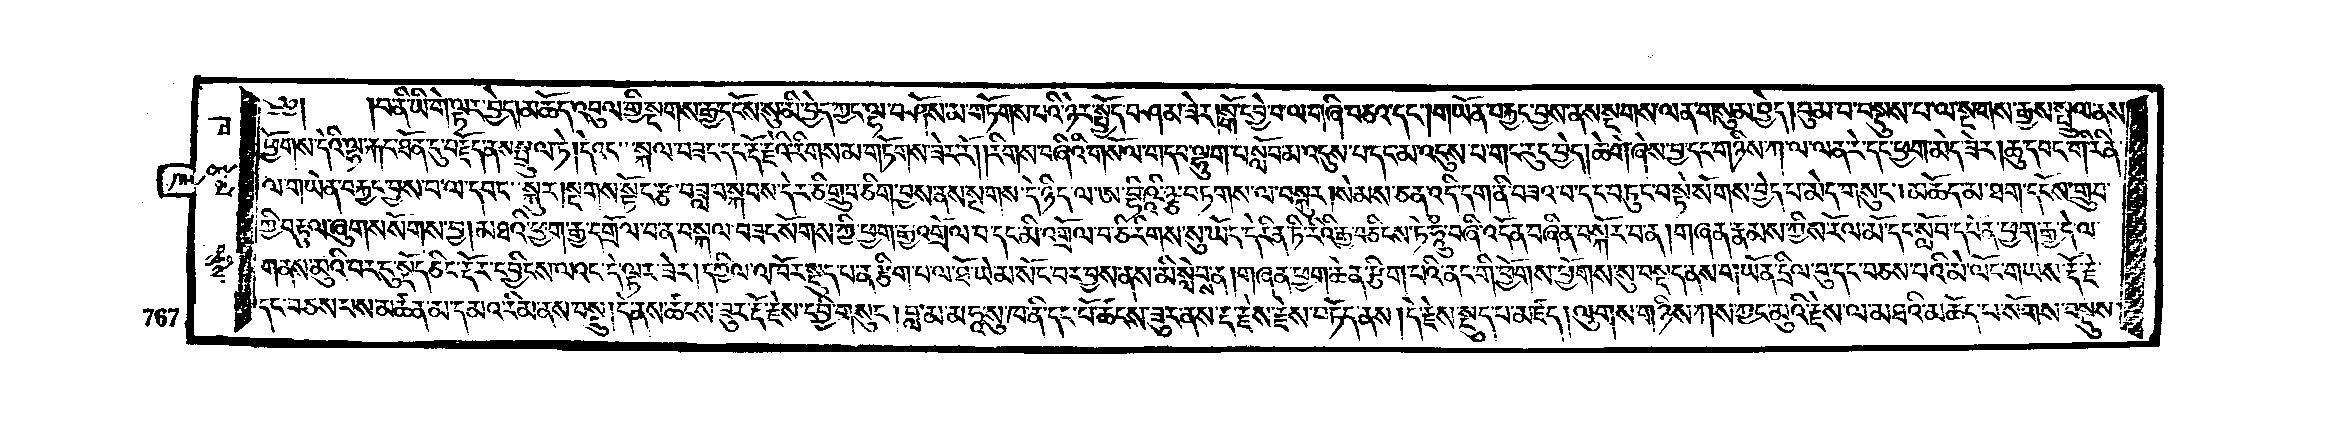༄༅། །པ་ནི་ཡི་གེ་ལྟར་བྱེད། མཆོད་འབུལ་གྱི་སྔགས་རྒྱ་དངོས་སུ་མི་བྱེད་ཀྱང་ལྷ་བཤོས་མ་གཏོགས་པའི་ཉེར་སྤྱོད་བཤམ་ཟེར། སྒོ་དབྱེ་བ་ལ་གཞི་བཅའ་དང་། གཡོན་བརྐྱང་བྱས་ནས་སྔགས་ལན་གསུམ་བྱེད། བུམ་པ་བསྡུས་པ་ལ་སྔགས་རྒྱས་སྤྲུལ་ནས་
ཕྱོགས་དེའི་ལྷ་རྐང་ཐོན་དུ་བརྗོད་ནས་སྤྲུལ་ཏེ། དེའང་སྐལ་བཟང་དང་རྡོ་རྗེའི་རིགས་མ་གཏོགས་ཟེར་རོ། །རིགས་བཞིའི་གསོལ་གདབ་ལྷུག་པ་སློབ་མ་འདུས་པ་དང་མ་འདུས་པ་གང་རུང་བྱེད། ཆེ་གེ་ཞེས་བྱ་དང་གཉིས་ཀ་ལ་ལན་རེ་དང་ཕྱག་མེད་ཟེར། ཆུ་དབང་གི་རིན་
ལ་གཡོན་བརྐྱང་བྱས་པ་ལ་དབང་སྐུར། སྔགས་སྟོང་རྩ་བཟླ་བ་སྐབས་དེར་ཅི་གྲུབ་ཅིག་བྱས་ནས་སྔགས་དེ་ཉིད་ལ་ཨ་བྷི་ཥཱི་ཉྩ་བཏགས་ལ་བསྐུར། སེམས་ཅན་འདི་དག་ནི་བཟའ་བ་དང་བཏུང་བ་སྟེ་སོགས་བྱེད་པ་མེད་གསུང་། མཆོད་མ་ཐག་དངོས་གྲུབ་
ཀྱི་བརྟུལ་ཞུགས་སོགས་བྱ། མཐའི་ཕྱག་རྒྱ་དགྲོལ་བ་ན་བསྐལ་བཟང་སོགས་ཀྱི་ཕྱག་རྒྱ་འགྲོལ་བ་དང་མི་འགྲོལ་བ་ཅི་རིགས་སུ་ཡོད་དེ་རིན་ཏི་རིའི་རྒྱ་བཅིངས་ཏེ་ཧཱུཾ་བཞི་འདོན་བཞིན་བསྐོར་བ་ན། གཞན་རྣམས་ཀྱིས་རོལ་མོ་དང་སློབ་དཔོན་ཕྱག་རྒྱ་དེ་ལ་
གནས་མུའི་བར་དུ་སྡོད་ཅིང་རྡོར་དབྱིངས་ལའང་དེ་ལྟང་ཟེར། དཀྱིལ་འཁོར་སྡུད་པ་ན་རྩིག་པ་ལ་ཐོ་ཡེ་མ་སོང་བར་བྱས་ནས་མི་སླེབས་ན། གཞན་ཕྱག་ཆེན་རྩིག་པའི་ནང་གི་ཕྱོགས་ཕྱོགས་སུ་བསྡད་ནས་གཡོན་དྲིལ་བུ་དང་བཅས་པའི་མེ་ལོང་གཡས་རྡོ་རྗེ་
དང་བཅས་པས་མཚན་མ་དམའ་རིམ་ནས་བསྡུ། དེ་ནས་ཚངས་ཟུར་རྡོ་རྗེས་དབྱི་གསུང་། བླ་མ་མཧཱ་སུ་ཁ་ནི་དང་པོ་ཆངས་ཟུར་ནས་རྡོ་རྗེས་རྗེས་བཏོད་ནས། དེ་རྗེས་སྡུད་པ་མཛད། ལུགས་གཉིས་ཀས་ཀྱང་མུའི་རྗེས་ལ་མཐའི་མཆོད་པ་སོགས་བསྡུས་